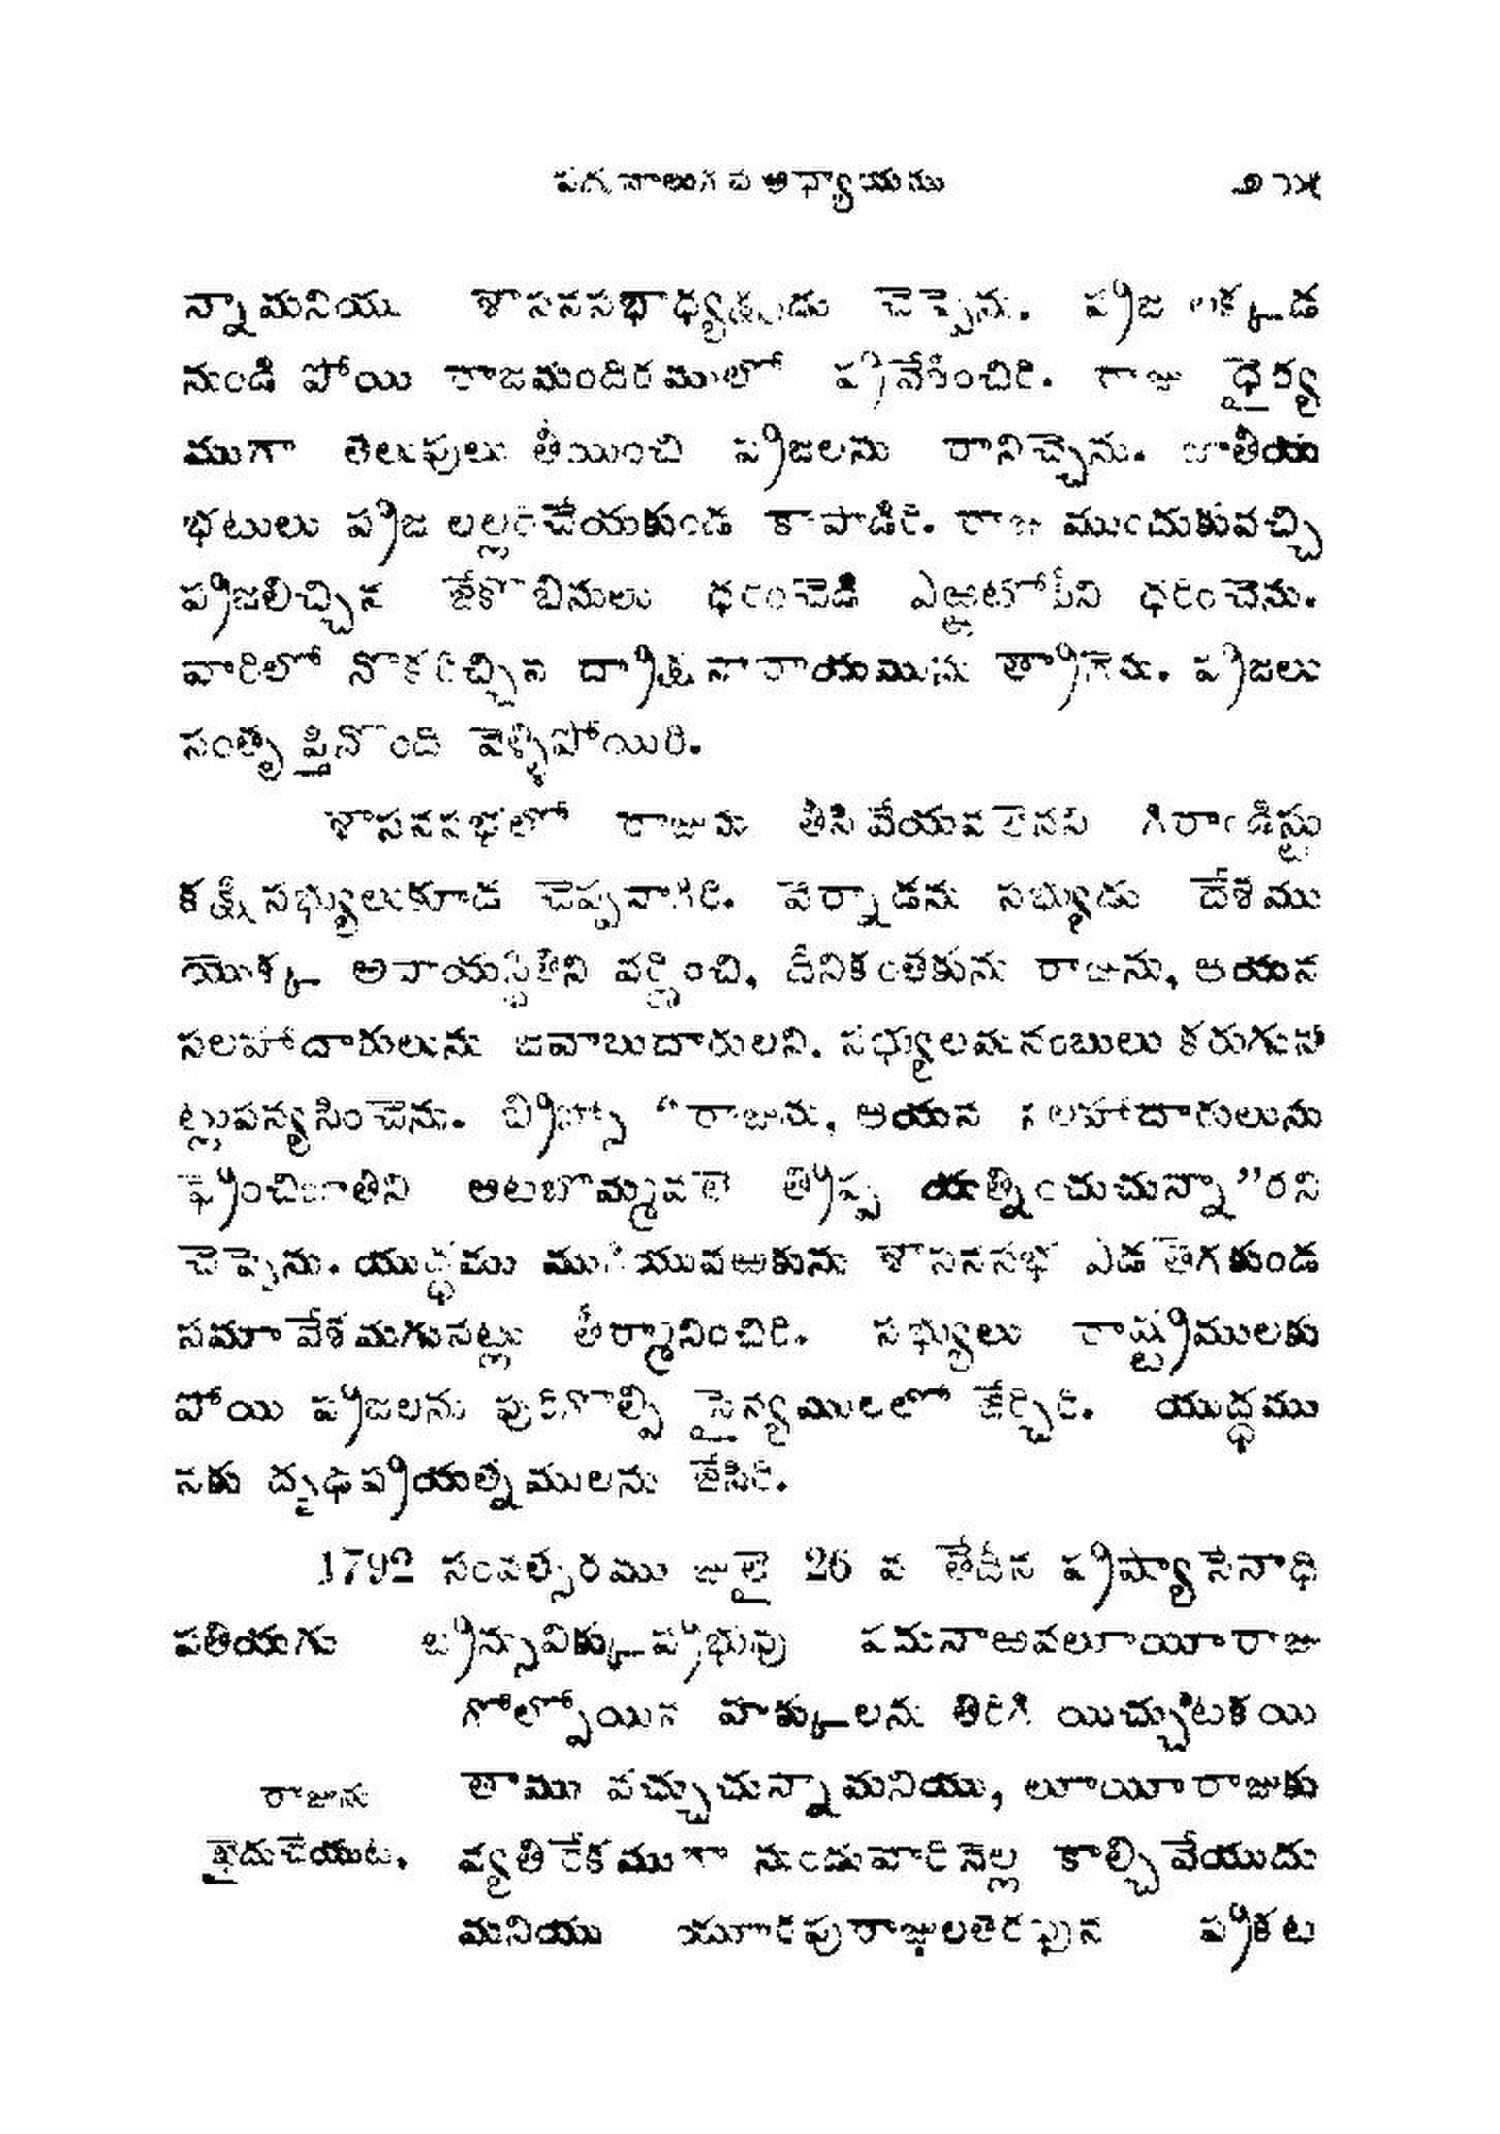న్నా మనియు శాసనసభాధ్యక్షుడు చెప్పెను. ప్రజలక్కడ
నుండి పోయి రాజమందిరములో ప్రవేసించిరి. రాజు ధైర్య
ముగా తలుపులు తీయించి ప్రజలను రానిచ్చెను. జాతీయ
భటులు ప్రజలల్లరి చేయకుండ కాపాడిరి. రాజు ముందుకు వచ్చి
ప్రజలిచ్చిన జకోబినులు ధరించెడి ఎర్ర టోపీని ధరించెను.
వారిలో నొక రిచ్చిన ద్రాక్ష సారాయయుమును త్రాగెను. ప్రజలు
సంతృప్తినొంది వెళ్ళిపోయిరి.

శాసనసభలో రాజును తీసి వేయవలెనని గిరాఁ డిస్టు
కక్షీ సభ్యులు కూడ చెప్పసాగిరి. వెర్నాడను సభ్యుడు దేశము
యొక్క అపాయస్తితిని వర్ణించి, దీనికంతకును రాజును, ఆయన
సలహాదారులును జవాబుదారులని, సభ్యుల మనంబులు కరుగునట్లు
పన్యసించెను. బ్రిస్సో "రాజును, ఆయస సలహాదారులను ఫ్రెంచి 
జాతిని ఆటబొమ్మవలె త్రిప్ప యత్నించుచున్నా ”రని
చెప్పెను. యుద్ధము ముగియువరకును శాసనసభ ఎడతెగకుండ
సమా వేశమగునట్లు, తీర్మానించిరి. సభ్యులు రాష్ట్రములకు
పోయి ప్రజలను పురికొల్పి సైన్యములలో జేర్చి. యుద్ధము
సకు దృఢప్రయత్న ములను వేసిరి

రాజును
ఖైదు చేయుట, 

1792 సంవత్సరము జూలై 25 వ తేదీన ప్రష్యా సేనాధి
పతియగు బ్రన్సువి క్కు ప్రభువు పదునారవ లూయీ రాజు 
గోల్పోయిన హక్కులను తిరిగి యిచ్చుటకయి
తాము వచ్చుచున్నామనియు, లూయీ రాజుకు
వ్యతిరేకముగా నుండు వారి నెల్ల కాల్చి వేయుదుమనియు
యూరపు రాజులతరపున ప్రకట